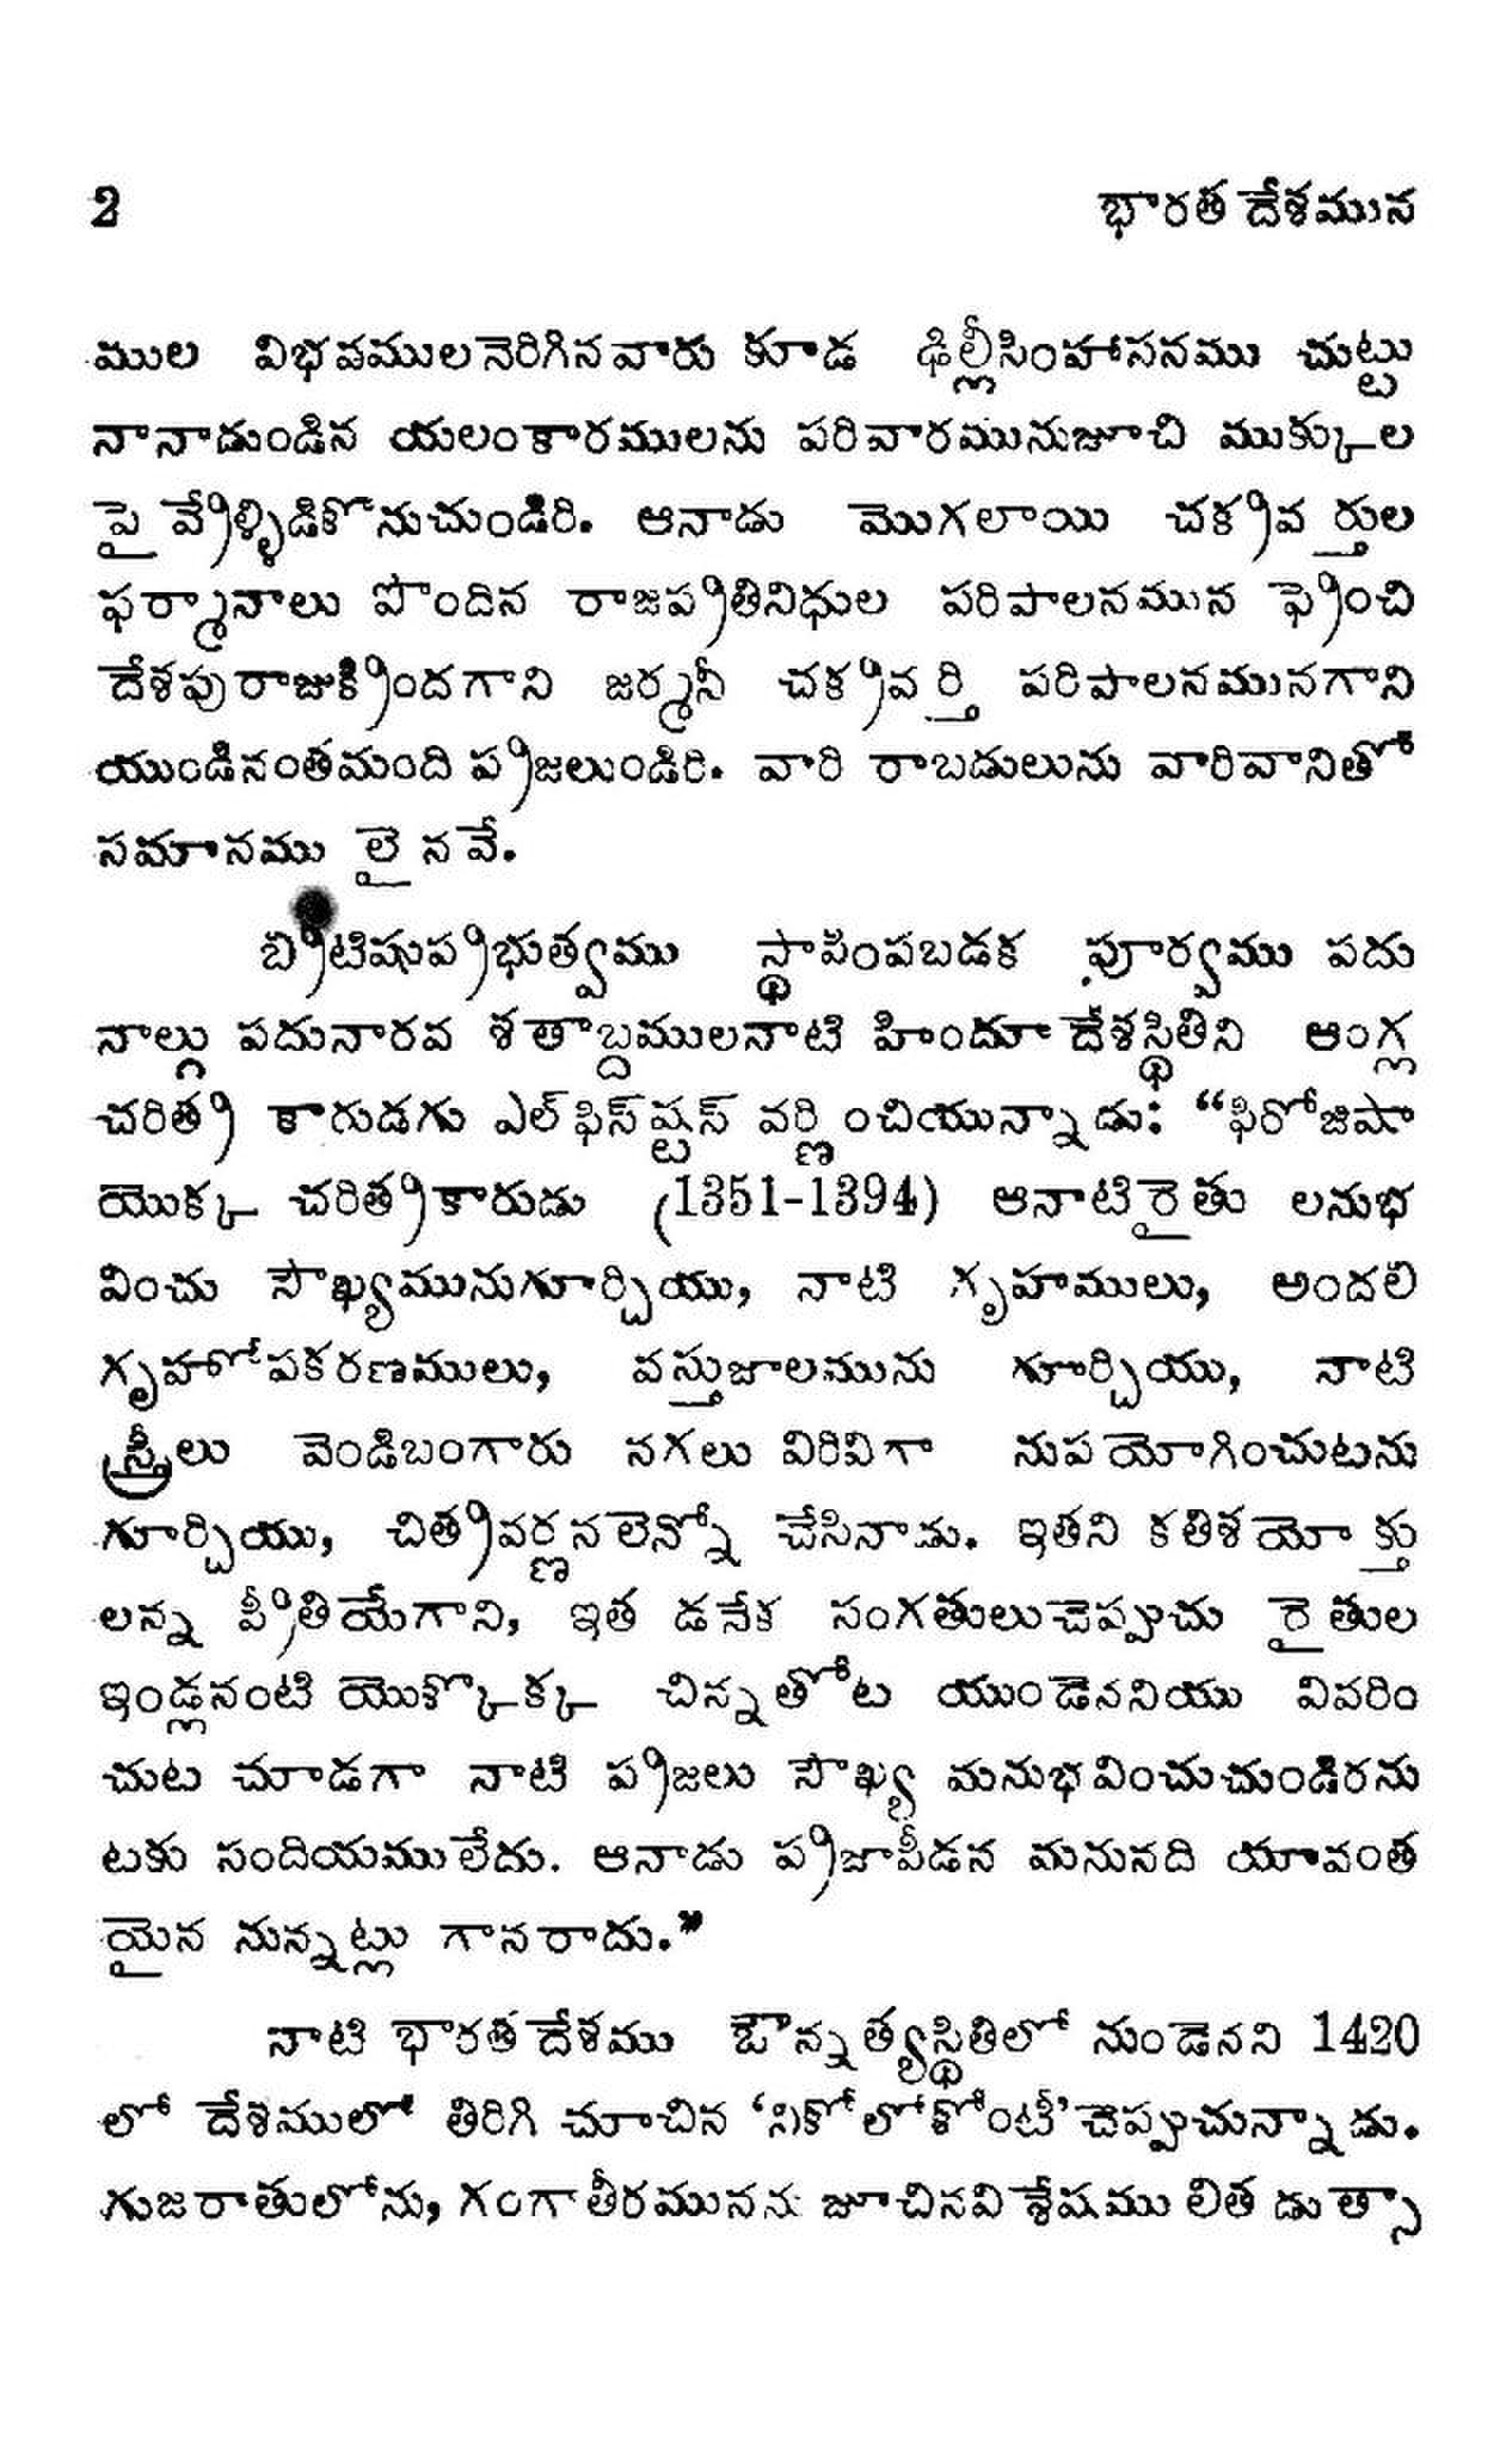ముల విభవములనెరిగినవారు కూడ ఢిల్లీసింహాసనము చుట్టు నానాడుండిన యలంకారములను పరివారమునుజూచి ముక్కుల పై వ్రేళ్ళిడికొనుచుండిరి. ఆనాడు మొగలాయి చక్రవర్తుల ఫర్మానాలు పొందిన రాజప్రతినిధుల పరిపాలనమున ఫ్రెంచి దేశపు రాజుక్రిందగాని జర్మనీ చక్రవర్తి పరిపాలనమునగాని యుండినంతమంది ప్రజలుండిరి. వారి రాబడులును వారివానితో సమానము లైనవే.

బ్రిటిషుప్రభుత్వము స్థాపింపబడక పూర్వము పదునాల్గు పదునారవ శతాబ్దములనాటి హిందూ దేశస్థితిని ఆంగ్ల చరిత్ర కారుడగు ఎల్ ఫిస్ స్టస్ వర్ణించియున్నాడు: “ఫిరోజిషా యొక్క చరిత్ర కారుడు (1351-1394) ఆనాటిరైతు లనుభవించు సౌఖ్యమునుగూర్చియు, నాటి గృహములు, అందలి గృహోపకరణములు, వస్తుజాలమును గూర్చియు, నాటి స్త్రీలు వెండిబంగారు నగలు విరివిగా నుపయోగించుటను గూర్చియు, చిత్రవర్ణనలెన్నో చేసినాడు. ఇతని కతిశయోక్తు లన్న ప్రీతియేగాని, ఇత డనేక సంగతులు చెప్పుచు రైతుల ఇండ్లనంటి యొక్కొక్క చిన్నతోట యుండెననియు వివరించుట చూడగా నాటి ప్రజలు సౌఖ్య మనుభవించుచుండిరనుటకు సందియము లేదు. ఆనాడు ప్రజాపీడన మనునది యావంతయైన నున్నట్లు గానరాదు."

నాటి భారతదేశము ఔన్నత్యస్థితిలో నుండెనని 1420 లో దేశములో తిరిగి చూచిన 'నికోలోకోంటీ' చెప్పుచున్నాడు. గుజరాతులోను, గంగా తీరమునను జూచినవిశేషము లితడుత్సా